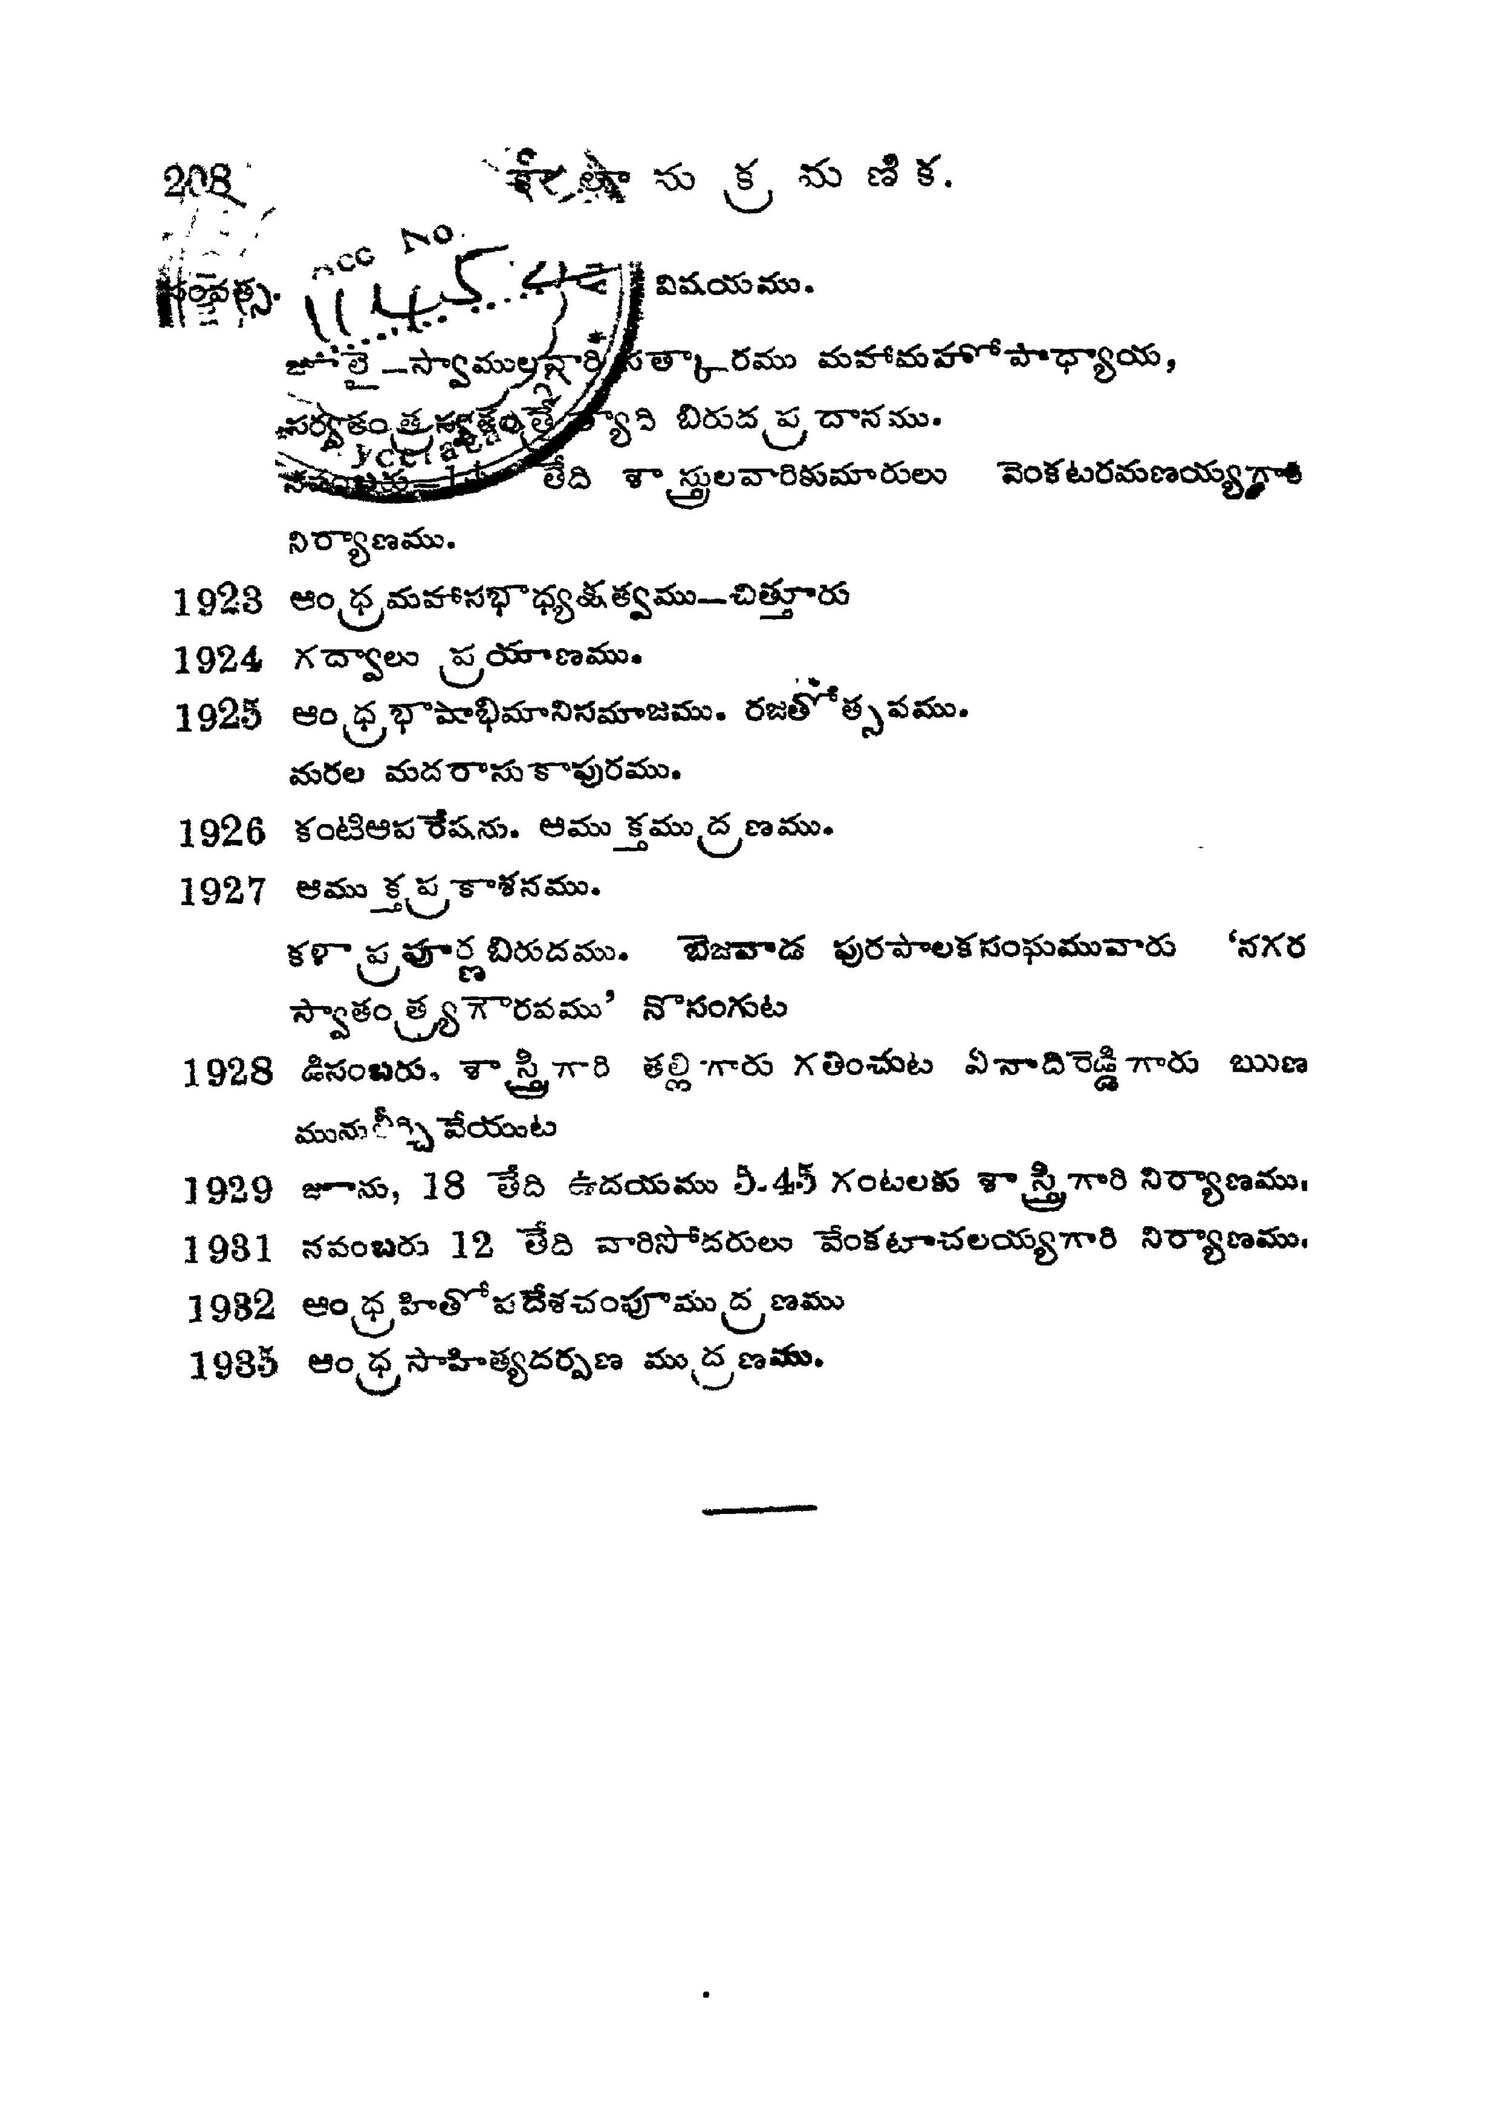జూలై-స్వాములవారి సత్కారము మహామహోపాధ్యాయ,
 సర్వతంత్ర స్వతంత్రేత్యాది బిరుద ప్రదానము.
 నవంబరు 14 తేది శాస్త్రులవారికుమారులు వెంకటరమణయ్యగారి
 నిర్యాణము.
1923 ఆంధ్రమహాసబాధ్యక్షత్వము-చిత్తురు.
1924 గద్వాలు ప్రయాణము.
1925 ఆంధ్రభాషాభిమానిసమాజము. రజతోత్సవము.
 మరల మదరాసు కాపురము.
1926 కంటిఆపరేషను. ఆముక్తముద్రణము.
1927 ఆముక్తప్రకాశనము.
 కళాప్రపూర్ణబిరుదము. బెజవాడ పురపాలకసంఘమువారు 'నగర
 స్వాతంత్ర్యగౌరవము' నొసంగుట
1928 డిసంబరు. శాస్త్రిగారి తల్లిగారు గతించుట ఏనాదిరెడ్డిగారు ఋణ
 మునుతీర్చివేయుట.
1929 జూను, 18 తేది ఉదయము 5-45 గంటలకు శాస్త్రిగారి నిర్యాణము.
1931 నవంబరు 12 తేది వారిసోదరులు వేంకటాచలయ్యగారి నిర్యాణము.
1932 ఆంధ్రహితోపదేశచంపూముద్రణము
1935 ఆంధ్రసాహిత్యదర్పణ ముద్రణము.

___________